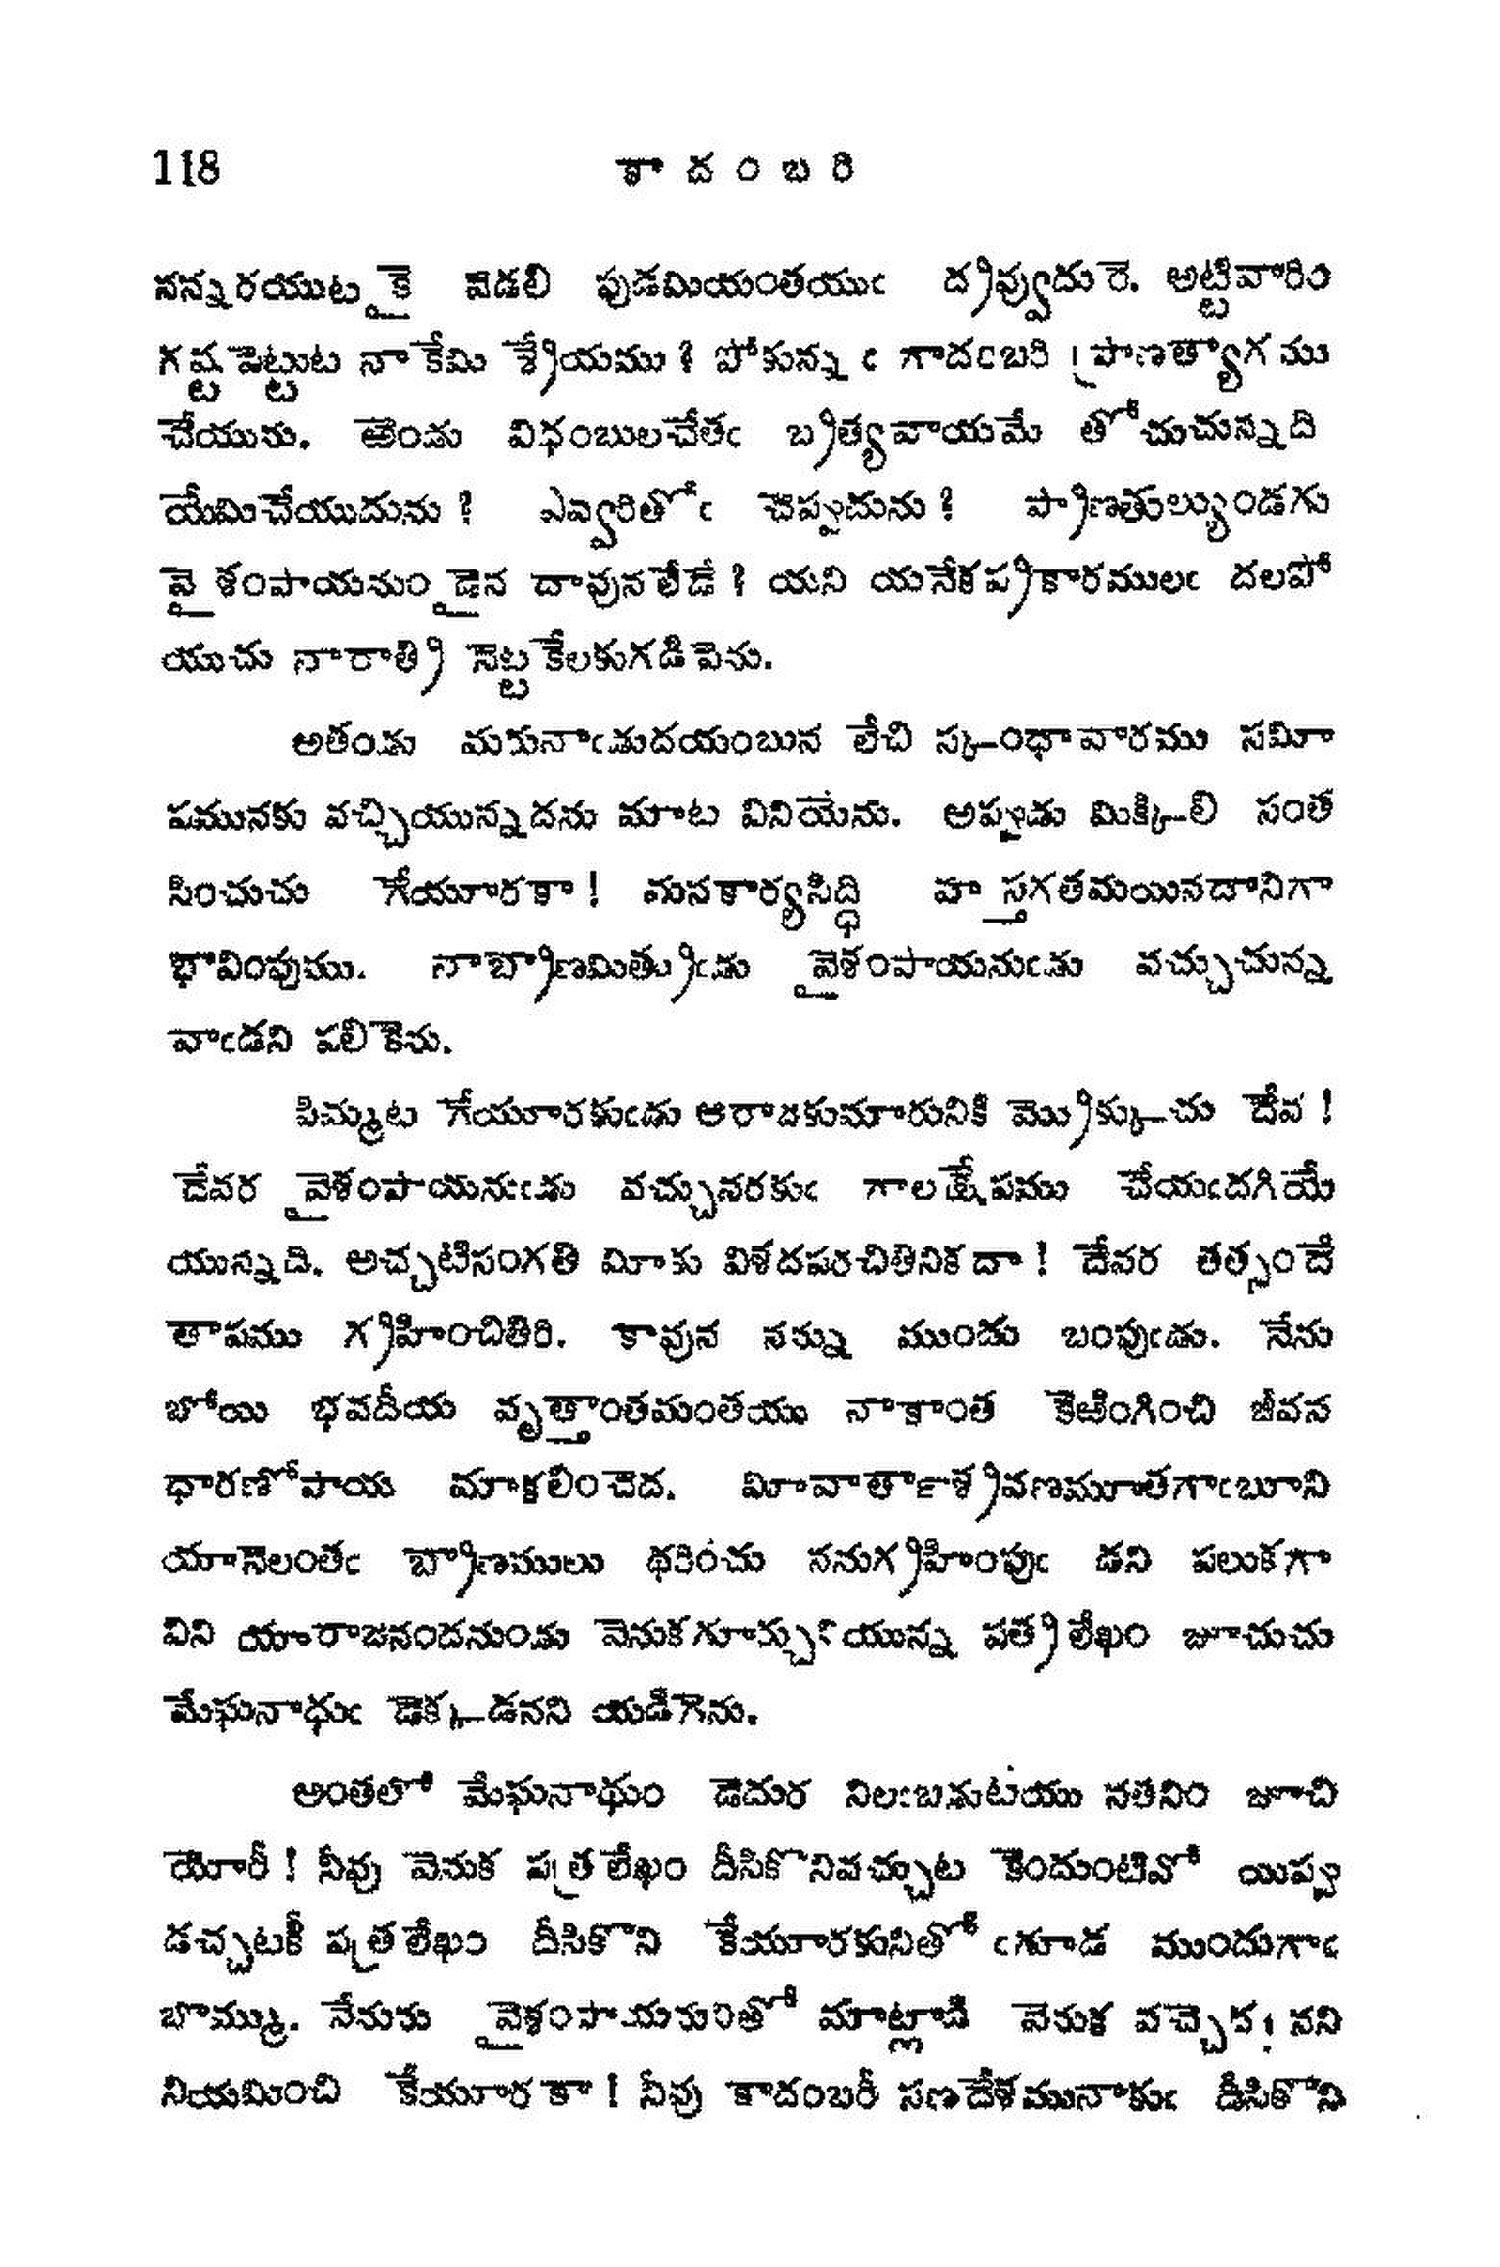నన్నరయుట కై వెడలి పుడమియంతయుఁ ద్రవ్వుదురె. అట్టివారిం గష్ట పెట్టుట నాకేమి శ్రేయము? పోకున్నఁ గాదంబరి ప్రాణత్యాగము చేయును. ఱెండు విధంబులచేతఁ బ్రత్యవాయమే తోచుచున్నది యేమిచేయుదును? ఎవ్వరితోఁ చెప్పుదును? ప్రాణతుల్యుండగు వైశంపాయనుం డైన దావునలేడే? యని యనేకప్రకారములఁ దలపోయుచు నారాత్రి నెట్ట కేలకుగడిపెను.

అతండు మరునాఁడుదయంబున లేచి స్కంధావారము సమీపమునకు వచ్చియున్నదను మాట వినియెను. అప్పుడు మిక్కిలి సంతసించుచు గేయూరకా! మనకార్యసిద్ధి హస్తగతమయినదానిగా భావింపుము. నాబ్రాణమిత్రుఁడు వైశంపాయనుఁడు వచ్చుచున్న వాఁడని పలికెను.

పిమ్మట గేయూరకుఁడు ఆరాజకుమారుని మ్రొక్కుచు దేవ! దేవర వైశంపాయనుఁడు వచ్చువరకుఁ గాలక్షేపము చేయఁదగియే యున్నది. అచ్చటిసంగతి మీకు విశదపరచితినికదా! దేవర తత్సందే తాపము గ్రహించితిరి. కావున నన్ను ముందు బంపుఁడు. నేను బోయి భవదీయ వృత్తాంతమంతయు నాకాంత కెఱింగించి జీవన ధారణోపాయ మాకలించెద. మీవాతా౯శ్రవణమూతగాఁబూని యానెలంతఁ బ్రాణములు థరించు ననుగ్రహింపుఁ డని పలుకగా విని యారాజనందనుండు వెనుకగూర్చునియున్న పత్రలేఖం జూచు మేఘనాధుఁ డెక్కడనని యడిగెను.

అంతలో మేఘనాథుం డెదుర నిలఁబడుటయు నతనిం జూచి యోరీ! నీవు వెనుక పత్రలేఖం దీసికొనివచ్చుట కెందుంటివో యిప్పు డచ్చటకీ పత్రలేఖం దీసికొని కేయూరకునితోఁగూడ ముందుగాఁ బొమ్ము. నేనును వైశంపాయనునితో మాట్లాడి వెనుక వచ్చెద! నని నియమించి కేయూరకా! నీవు కాదంబరీ సణదేశమునాకుఁ దీసికొని